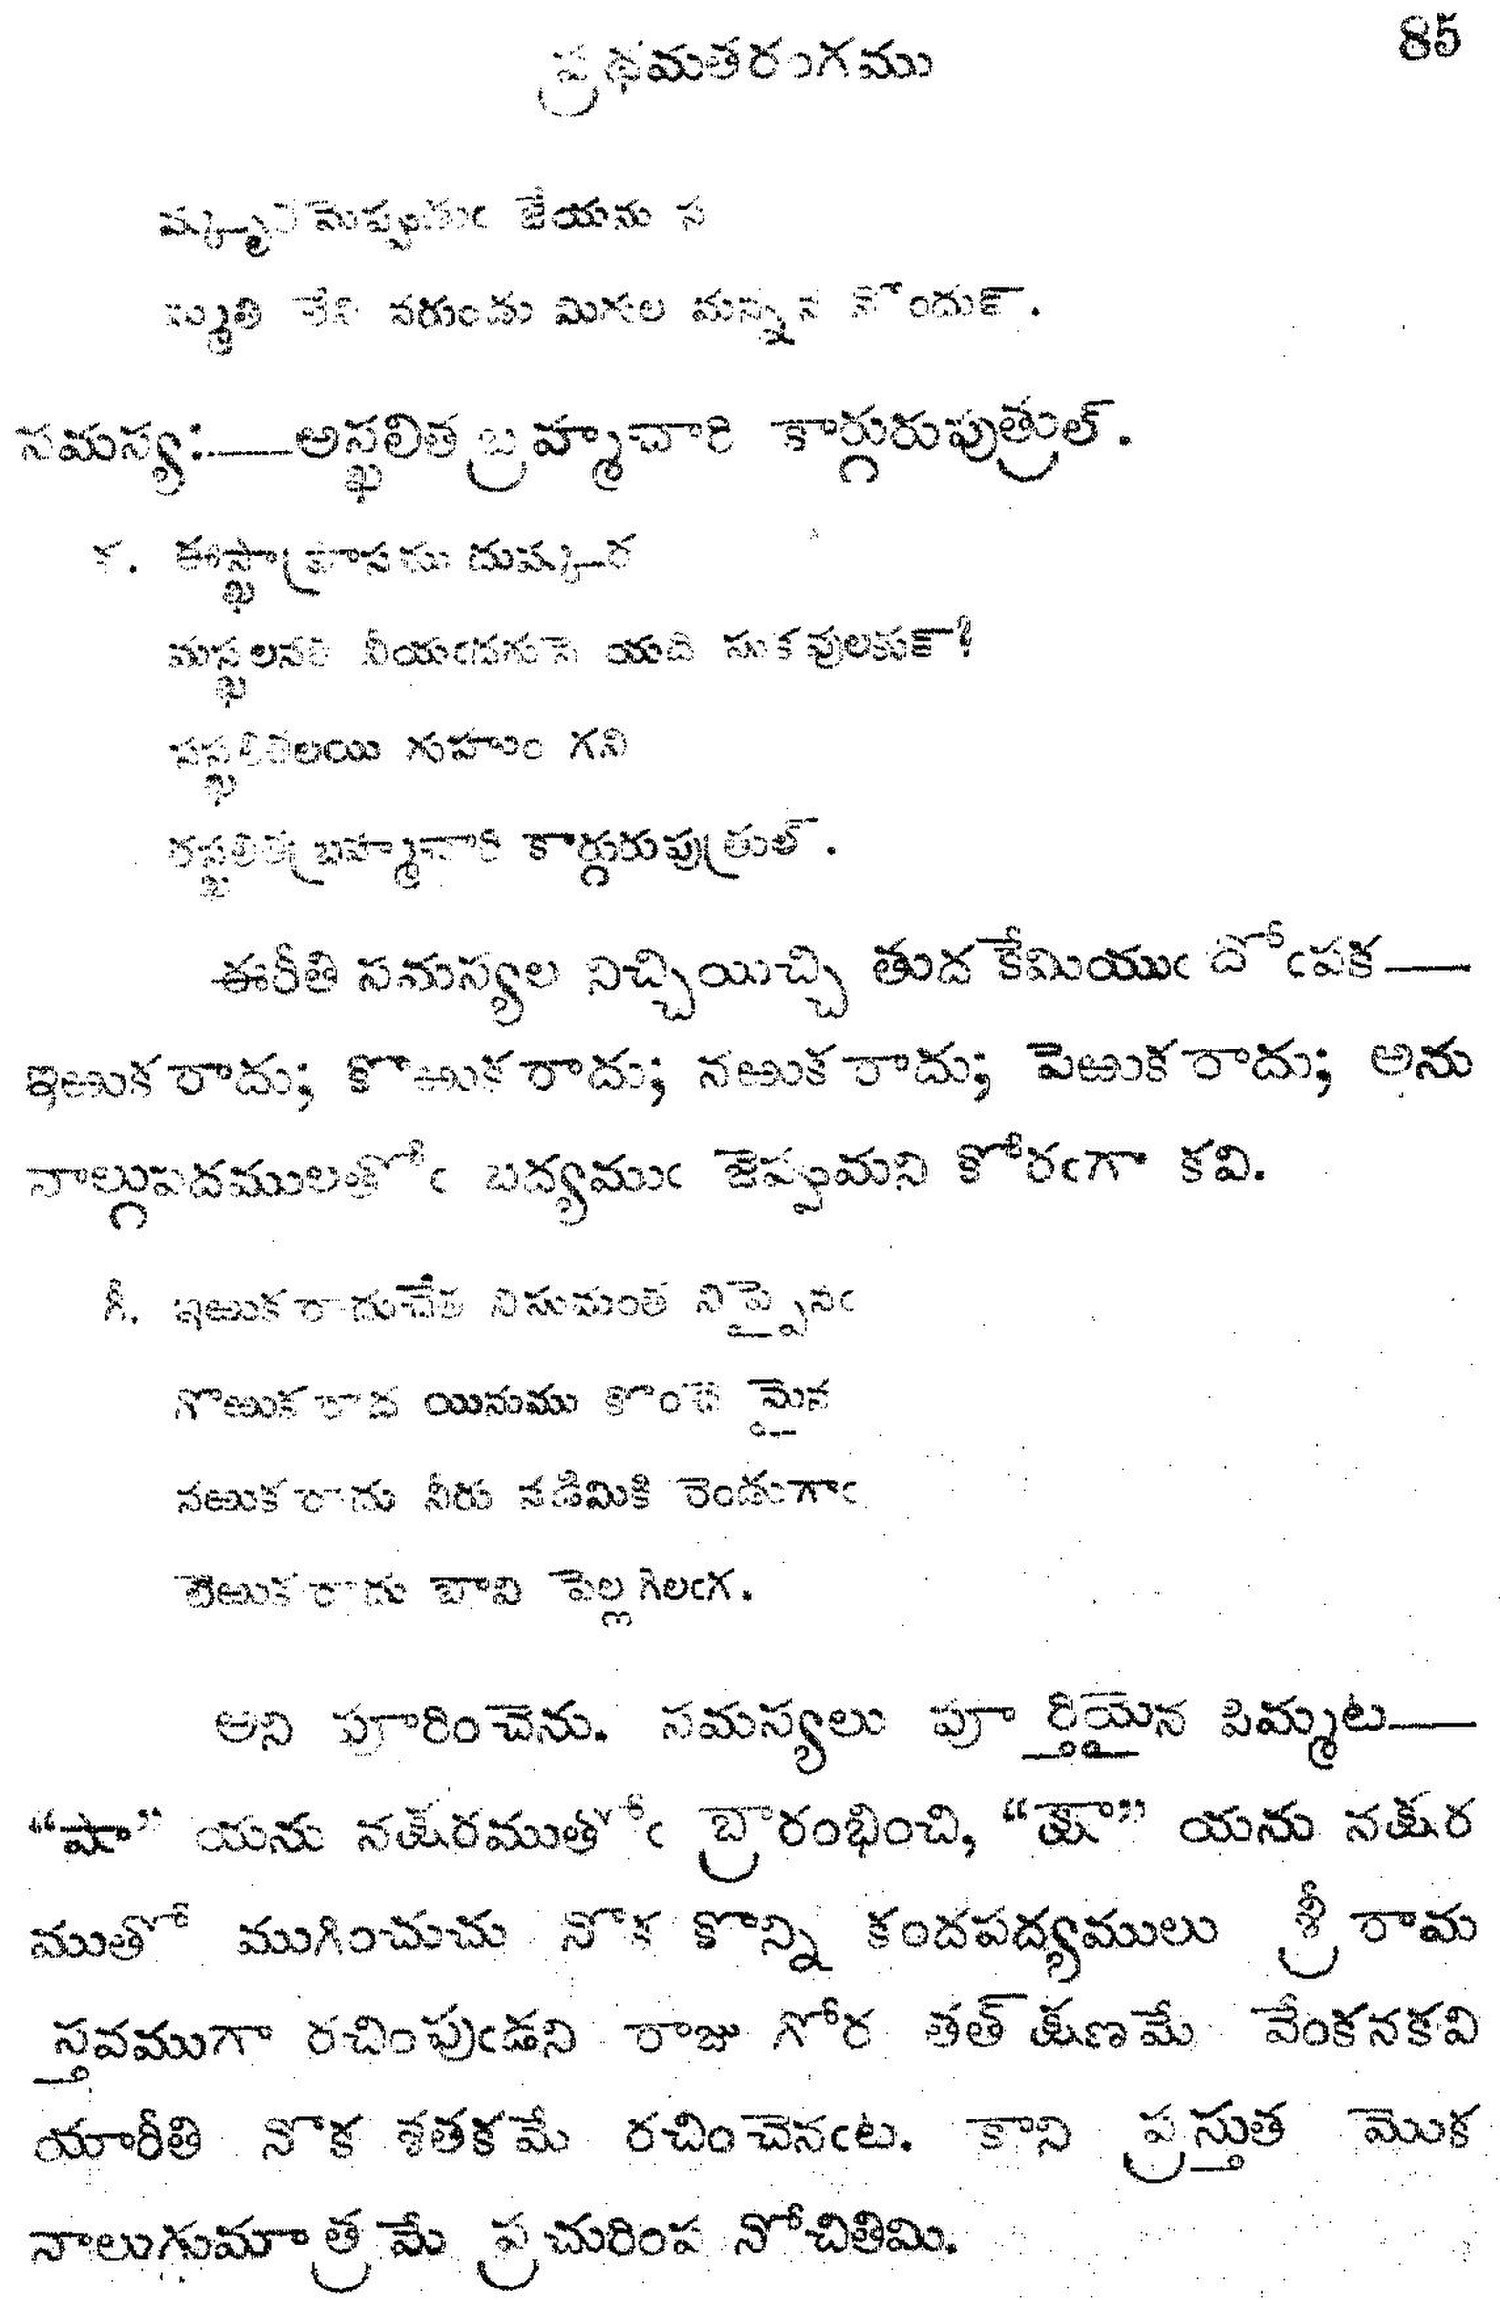ష్కృత మెప్పుడుఁ జేయను స
 మ్మతి లేని నరుండు మిగుల మన్నన నొందున్.

సమస్య:—అస్ఖలితబ్రహ్మచారి కార్గురుపుత్రుల్

క. ఈస్ఖావ్రాసము దుష్కర
 మస్ఖలనత నీయఁదగునె యది సుకవులకున్?
 సస్ఖలితలయి గుహుం గని
 రస్ఖలితబ్రహ్మచారి కార్గురుపుత్రుల్.

ఈరీతి సమస్యల నిచ్చి యిచ్చి తుదకేమియుఁ దోఁపక— ఇఱుకరాదు; కొఱుకరాదు; నఱుకరాదు; పెఱుకరాదు; అను నాల్గుపదములతోఁ బద్యముఁ జెప్పుమని కోరఁగా కవి—

గీ. ఇఱుకరాదుచేత నిసుమంత నిప్పైనఁ
 గొఱుకరాదు యినుము కొంచె మైన
 నఱుకరాదు నీరు నడిమికి రెండుగాఁ
 బెఱుకరాదు బావి పెల్లగిలఁగ.

అని పూరించెను. సమస్యలు పూర్తియైన పిమ్మట— “షా” యను నక్షరముతోఁ బ్రారంభించి, “క్షా” యను నక్షరముతో ముగించుచు నొక కొన్ని కందపద్యములు శ్రీరామస్తవముగా రచింపుఁడని రాజు గోర తత్క్షణమే వేంకనకవి యారీతి నొకశతకమే రచించెనఁట. కాని ప్రస్తుత మొక నాలుగుమాత్రమే ప్రచురింప నోచితిమి.